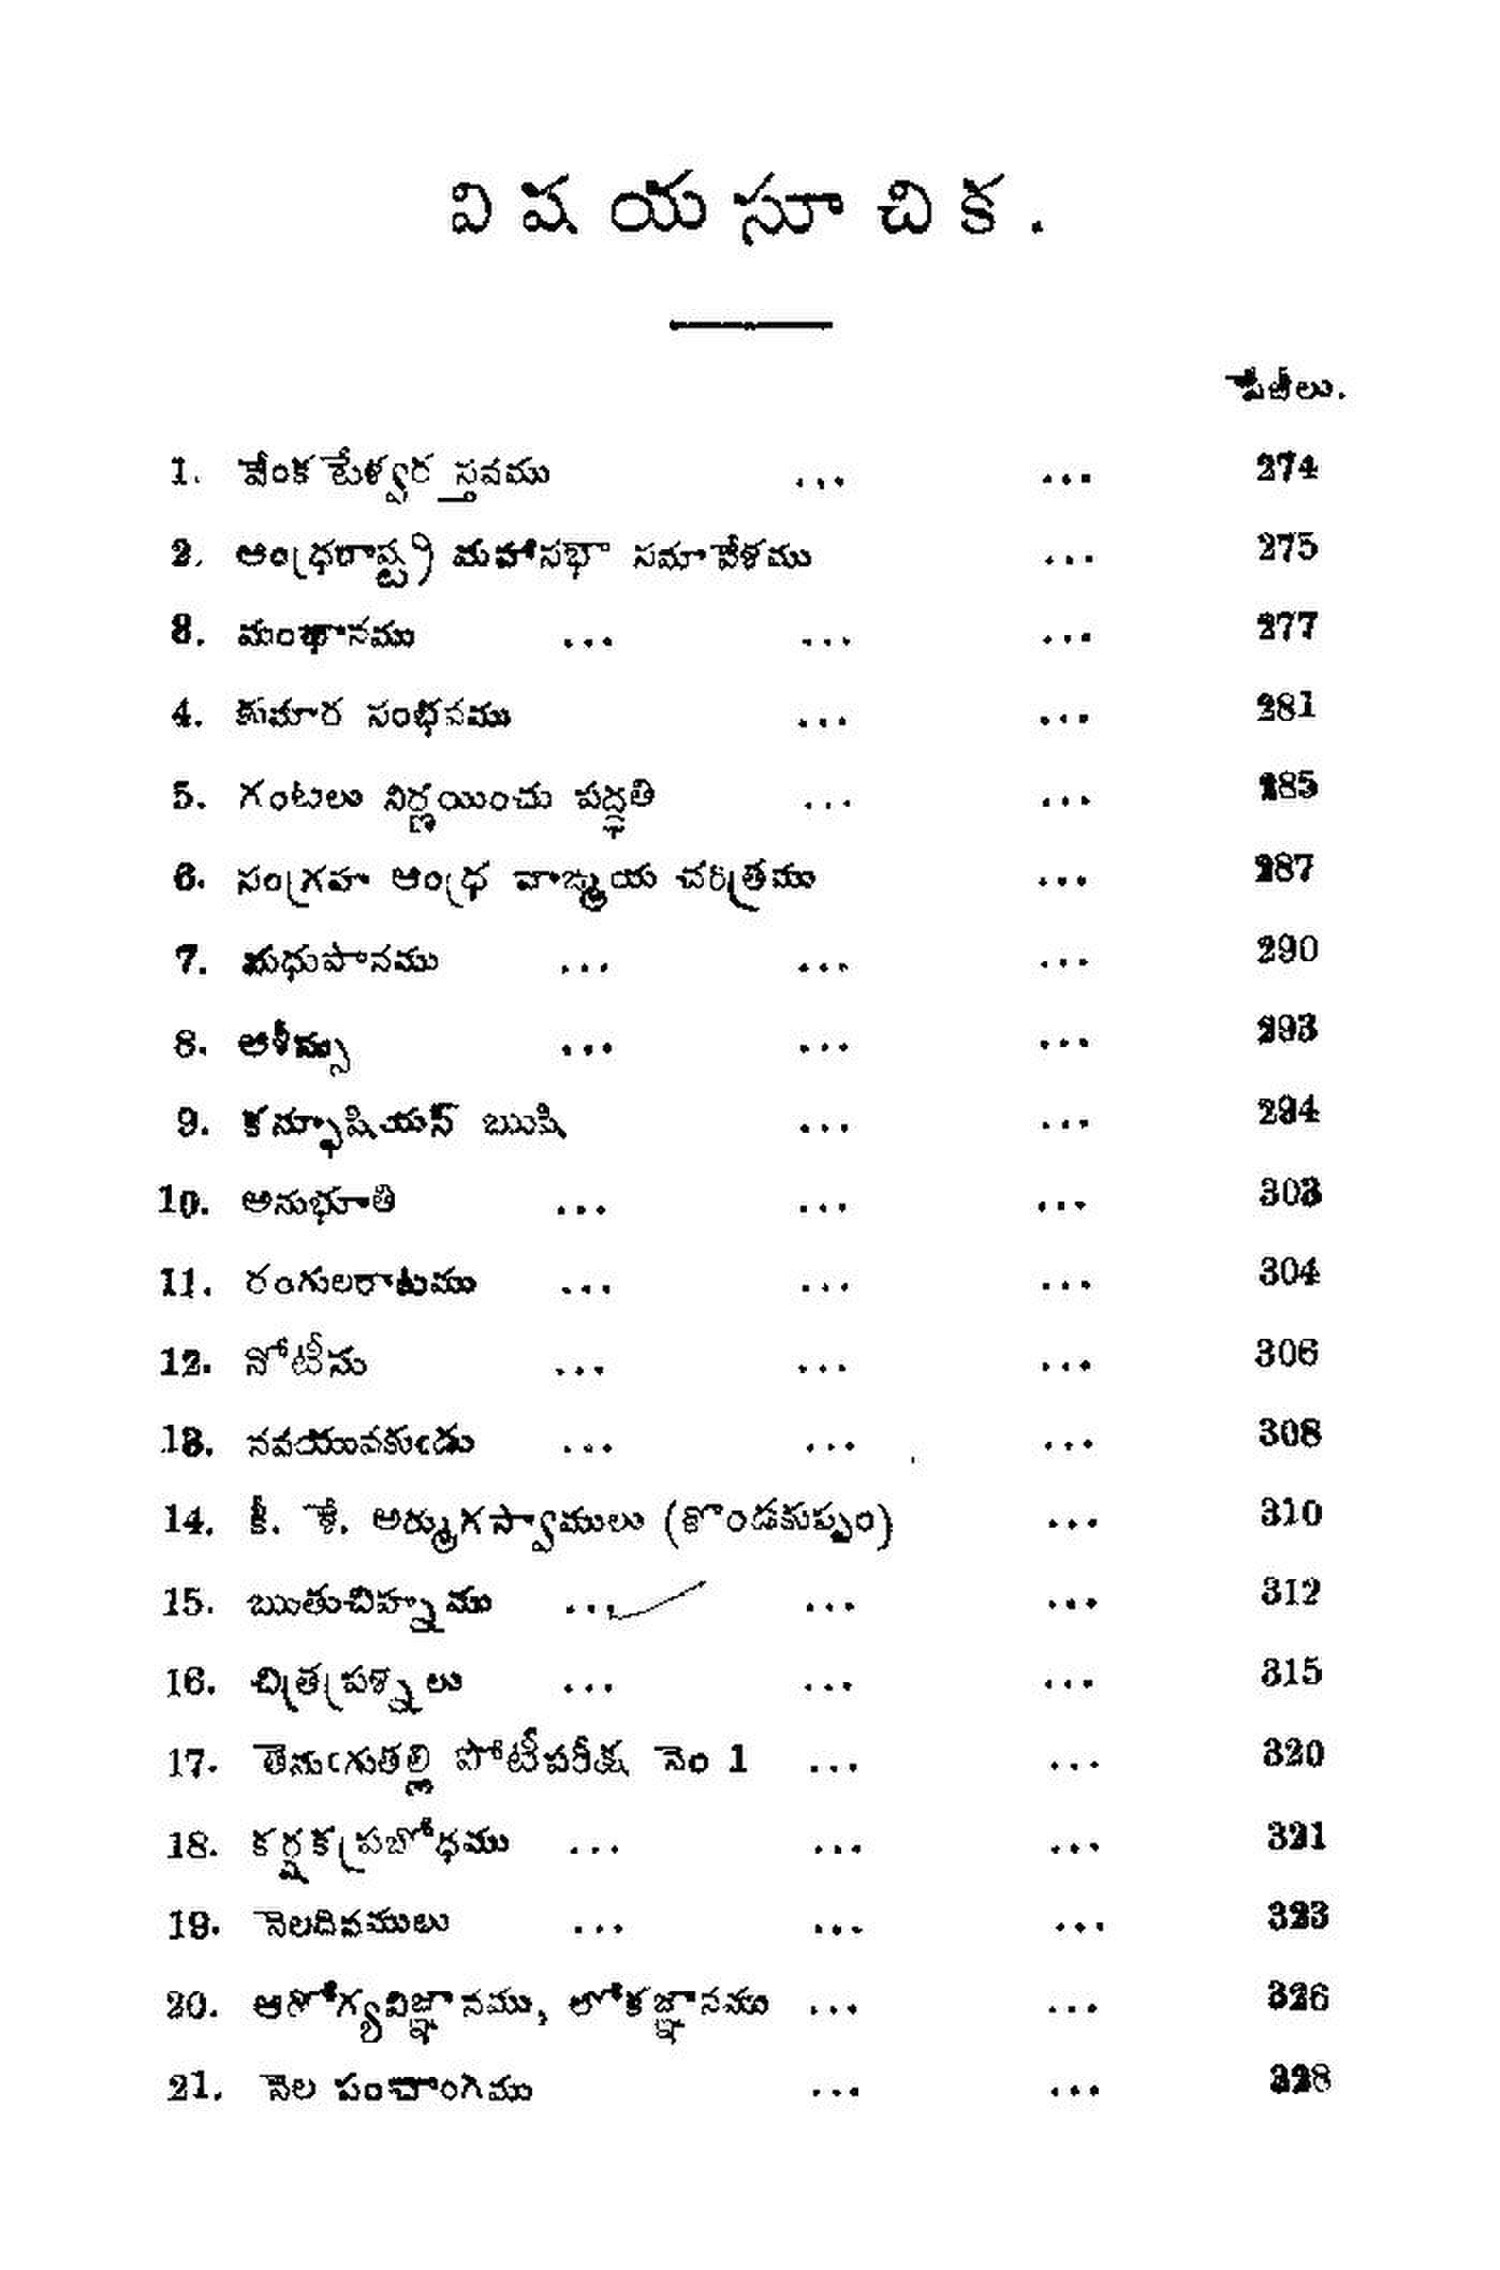విషయసూచిక.

 పేజీలు 1. వేంకటేశ్వర స్తవము ... ... 274 2. ఆంధ్రరాష్ట్ర మహాసభా సమావేశము ... 275 3. మంథానము ... ... ... 277 4. కుమార సంభవము ... ... 281 5. గంటలు నిర్ణయించు పద్ధతి ... ... 285 6. సంగ్రహ ఆంధ్ర వాజ్మయ చరిత్రము ... 287 7. మధుపానము ... ... ... 290 8. ఆశీస్సు ... ... ... 293 9. కన్ఫూషియస్ ఋషి ... ... 294 10. అనుభూతి ... ... ... 303 11. రంగులరాటము ... ... ... 304 12. నోటీసు ... ... ... 306 13. నవయువకుఁడు ... ... ... 308 14. కీ.శే. ఆర్ముగస్వాములు (కొండకుప్పం) ... 310 15. ఋతుచిహ్నము ... ... ... 312 16. చిత్రప్రశ్నలు ... ... ... 315 17. తెనుఁగుతల్లి పోటీపరీక్ష నెం 1 ... ... 320 18. కర్షకప్రబోధము ... ... ... 321 19. నెలదినములు ... ... ... 323 20. ఆరోగ్యవిజ్ఞానము, లోకజ్ఞానము ... ... 326 21. నెల పంచాంగము ... ... 328